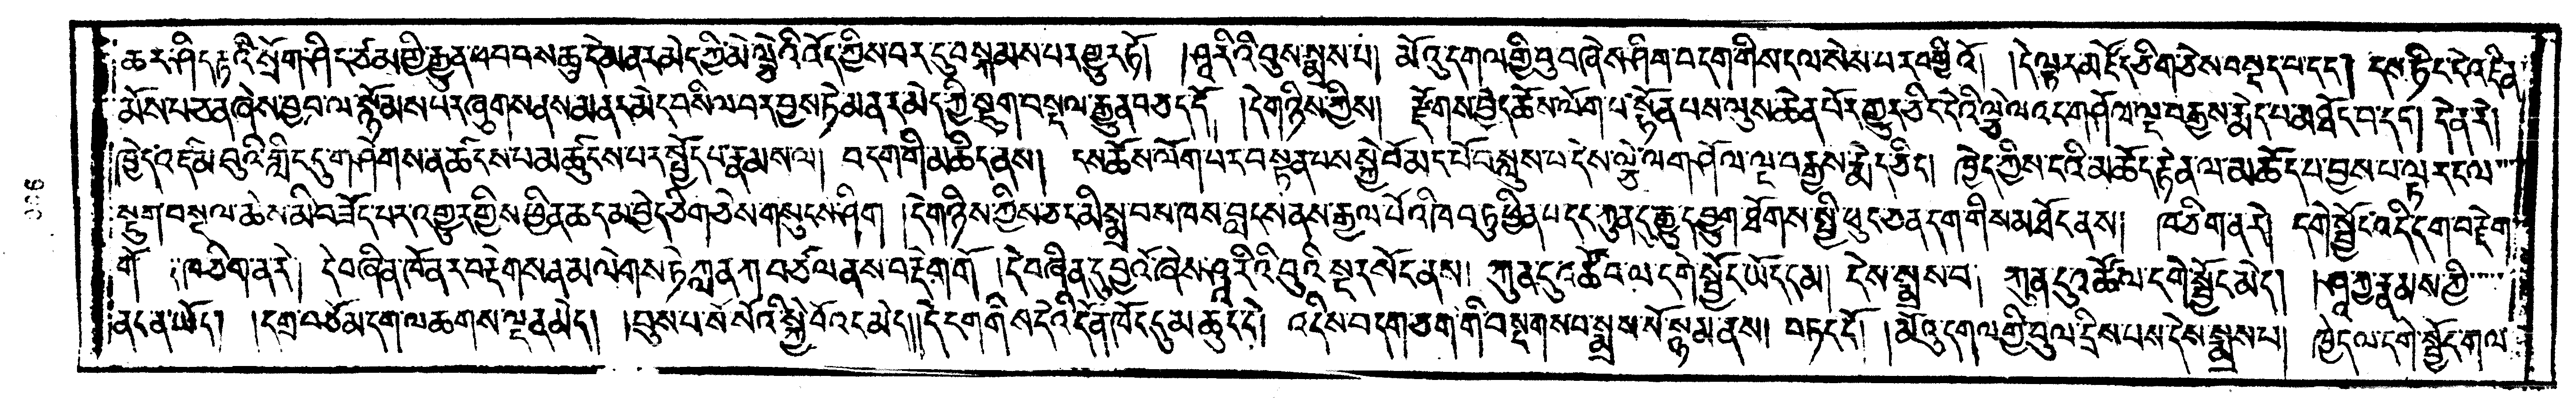ཆར་ཤིད་རྟའི་སྲོག་ཤིང་ཙམ་གྱི་རྒྱུན་ཕབ་བས་ཆུ་དེ་མནར་མེད་ཀྱི་མེ་ལྕེའི་འོད་ཀྱིས་བར་དུ་བསྐམས་པར་གྱུར་ཏོ། །ཤཱ་རིའི་བུས་སྨྲས་པ། མོའུ་དགལ་གྱི་བུ་བཞེས་ཤིག་བདག་གིས་ངལ་སེས་པར་བགྱིའོ། །དེ་ལྟར་མཛོད་ཅིག་ཅེས་བསྡད་པ་དང་། དས་ཏིང་ངེ་འཛིན་
མོས་པ་ཅན་ཞེས་བྱ་བ་ལ་སྙོམས་པར་ཞུགས་ནས་མནར་མེད་བསིལ་བར་བྱས་ཏེ་མནར་མེད་ཀྱི་སྡུག་བསྔལ་རྒྱུན་བཅད་དོ། །དེ་གཉིས་ཀྱིས། རྫོགས་བྱེད་ཆོས་ལོག་པ་སྟོན་པས་ལུས་ཆེན་པོར་གྱུར་ཅིང་དེའི་ལྕེ་ལའང་གཤོལ་ལྔ་བརྒྱས་རྨེད་པ་མཐོང་བ་དང་། དེ་ན་རེ།
ཁྱེད་འཛམ་བུའི་གླིང་དུ་གཤེགས་ན་ཚངས་པ་མཚུངས་པར་སྤྱོད་པ་རྣམས་ལ། བདག་གི་མཆིད་ནས། ངས་ཆོས་ལོག་པར་བསྟན་པས་སྐྱེ་བོ་མང་པོ་བསླུས་པ་དེས་ལྕེ་ལ་གཤོལ་ལྔ་བརྒྱས་རྨེད་ཅིང་། ཁྱེད་ཀྱིས་ངའི་མཆོད་རྟེན་ལ་མཆོད་པ་བྱས་པ་ལྟར་ངལ་
སྡུག་བསྔལ་ཆེས་མི་བཟོད་པར་འགྱུར་གྱིས་ཕྱིན་ཆད་མ་བྱེད་ཅིག་ཅེས་གསུངས་ཤིག །དེ་གཉིས་ཀྱིས་ཅང་མི་སྨྲ་བས་ཁས་བླངས་ནས་རྒྱལ་པོའི་ཁབ་ཏུ་ཕྱིན་པ་དང་ཀུན་དུ་རྒྱུ་དབྱུག་ཐོགས་སྤྱི་ཕུང་ཅན་དག་གིས་མཐོང་ནས། ཁ་ཅིག་ན་རེ། དགེ་སྦྱོང་འདི་དག་བརྗེག་
གོ ༑ཁ་ཅིག་ན་རེ། དེ་བཞིན་ཁོ་ནར་བརྡེགས་ནམ་ལེགས་ཏེ་ཀླན་ཀ་བཙལ་ནས་བརྡེག་གོ །དེ་བཞིན་དུ་བྱའོ་ཞེས་ཤཱ་རིའི་བུའི་སྔར་སོང་ནས། ཀུན་དུ་འཚོ་བ་ལ་དགེ་སྦྱོང་ཡོད་དམ། དེས་སྨྲས་བ། ཀུན་དུ་འཚོལ་དགེ་སྦྱོང་མེད། །ཤཱ་ཀྱ་རྣམས་ཀྱི་
ནང་ན་ཡོད། །དགྲ་བཅོམ་དག་ལ་ཆགས་ལྡན་མེད། །བུས་པ་སོ་སོའི་སྐྱེ་བོའང་མེད། །དེ་དག་གིས་དེའི་དོན་ཁོང་དུ་མཆུད་དེ། འདིས་བདག་ཅག་གི་བསྔགས་པ་སྨྲས་སོ་སྙམ་ནས། བཏང་ངོ། །མོའུ་དགལ་གྱི་བུལ་དྲིས་པས་དེས་སྨྲས་པ། ཁྱེད་ལ་དགེ་སྦྱོང་གལ་